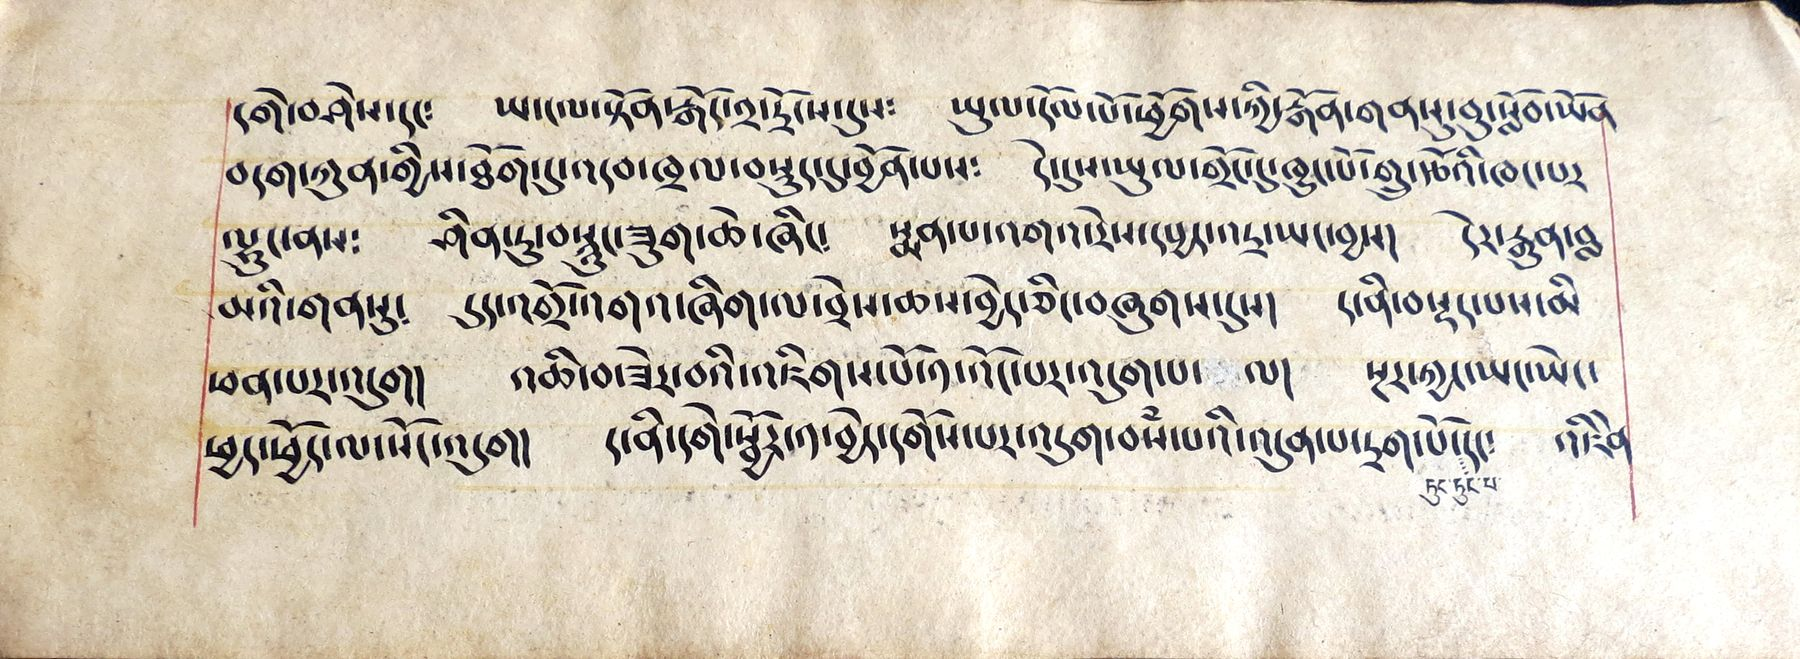དགེ་བཤེས་དང་ ཡ་ངལ་སྟོན་རྒོད་གཉིས་གྲོངས་དུས། ཡུལ་དོལ་པོ་ཕྱོགས་ཀྱི་དགོན་གནས་སུ་བུ་སློབ་ཡོན་
བདག་ཀུན་གྱིས་ཐོག་ཏུ་འདབ་ཁྲལ་སྡུད་དུ་བྱོན་པས། དེ་དུས་ཡུལ་གྲོང་དུ་ཁྱུང་པོ་གྲུ་རྩེའི་ཁང་པར་
ལྷུང་ནས། ཤིན་ཏུ་སྙུང་ཟུག་ཆེ་ཞིང་། སྨན་པ་འགའ་རེས་དཔྱད་འདྲ་བྱས་ཀྱང་། དེར་རྒུན་བླ་
མའི་གནས་སུ་དུད་འགྲོ་འགའ་ཞིག་ལ་དྲེས་ཆས་བྱེད་ཅིང་བཞུགས་དུས། ད་ནི་བསྡད་པས་མི་
ཕན་པར་འདུག འཆི་བ་ཟེར་བའི་འཇིགས་པོ་ཞིག་འོང་བར་འདུག་པ་ལ། སྔར་ཀྱང་ཡང་ཡེངས་
ཕྱད་ཕྱོད་ལ་སོང་འདུག ད་ནས་དགེ་སྦྱོར་ཅིག་བྱེད་དགོས་པར་འདུག་བསམ་པའི་འདུན་པ་དྲག་པོ་དུང་དུང་བ་དང་། འཇིག་རྟེན་